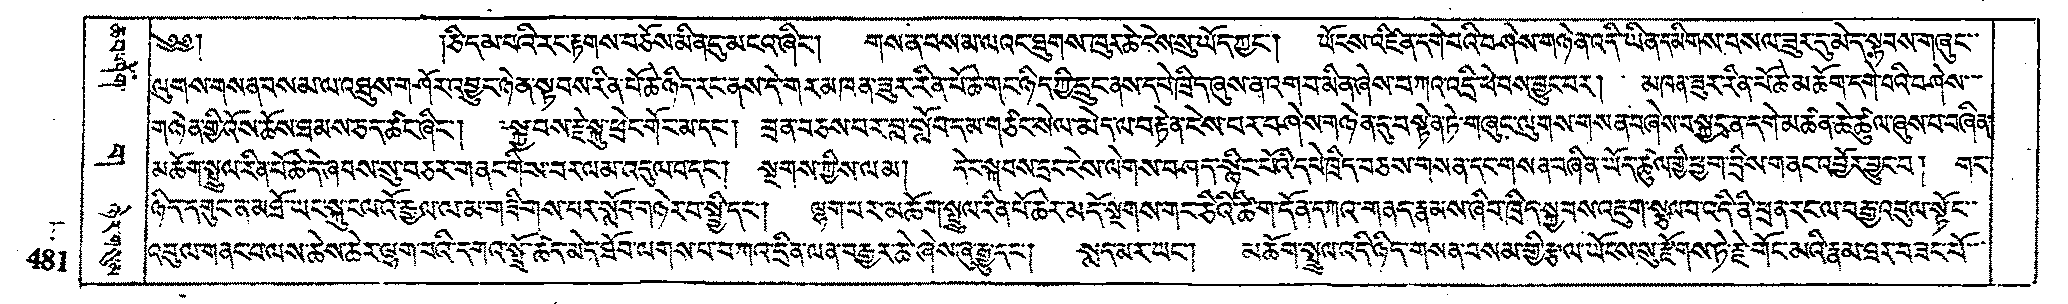༄༅། །ཅི་དམ་པའི་རང་རྟགས་བཅོས་མིན་དུ་མངའ་ཞིང་། གསན་བསམ་ལའང་ཐུགས་ཁུར་ཆེ་ངེས་སུ་ཡོད་ཀྱང་། ཡོངས་འཛིན་དགེ་བའི་བཤེས་གཉེན་འདི་ཡིན་དམིགས་བསལ་ཟུར་དུ་མེད་སྟབས་གཞུང་་་
ལུགས་གསན་བསམ་ལ་འཐུས་གཤོར་འབྱུང་ཉེན་སྟབས་རིན་པོ་ཆེ་ཉིད་རང་ནས་དེ་གར་མཁན་ཟུར་རིན་པོ་ཆེ་གང་ཉིད་ཀྱི་དྲུང་ནས་དཔེ་ཁྲིད་ཞུས་ནས་འགབ་མིན་ཞེས་བཀའ་འདྲི་ཕེབས་བྱུང་བ། མཁན་ཟུར་རིན་པོ་ཆེ་མཆོག་དགེ་བའི་བཤེས་་་
གཉེན་གྱི་འོས་ཆོས་ཐམས་ཅད་ཚང་ཞིང་། ༧སྐྱབས་རྗེ་སྐུ་ཕྲེང་གོང་མ་དང་། ཕྲན་བཅས་པར་བླ་སློབ་དམ་གཙང་སེལ་མེད་པ་བརྟེན་ངེས་པར་བཤེས་གཉེན་དུ་བསྟེན་ཏེ་གཞུང་ལུགས་གསན་བཞེས་བསྐྱང་ན་དགེ་མཚན་ཆེ་ཚུལ་ཞུས་པ་བཞིན་
མཆོག་སྤྲུལ་རིན་པོ་ཆེ་དེ་ཞབས་སུ་བཅར་གནང་གིས་བར་ལམ་འདུལ་བ་དང་། སྔགས་ཀྱིས་ལམ། དེང་སྐབས་དྲང་ངེས་ལེགས་བཤད་སྙིང་པོའི་དཔེ་ཁྲིད་བཅས་གསང་དང་གསན་བཞིན་ཡོད་ཚུལ་གྱི་ཕྱག་བྲིས་གནང་འབྱོར་བྱུང་བ། གང་
ཉིད་དགུང་ན་མཐོ་ཡང་སྐུ་ངལ་འོ་རྒྱལ་ལ་མ་གཟིགས་པར་སློབ་གཉེར་བ་སྤྱི་དང་། ལྷག་པར་མཆོག་སྤྲུལ་རིན་པོ་ཆེར་མདོ་སྔགས་གང་ཅིའི་ཚིག་དོན་དཀའ་གནད་རྣམས་ཞིབ་ཁྲིད་སྐྱབས་འཇུག་སྩལ་བ་འདི་ནི་ཕྲན་རང་ལ་བརྒྱ་འབུལ་སྟོང་་་
འབུལ་གནང་བ་ལས་ཆེས་ཆེར་ལྷག་པའི་དགའ་སྤྲོ་ཚད་མེད་ཐོབ་ལགས་པ་བཀའ་དྲིན་ལན་བརྒྱར་ཆེ་ཞེས་ཞུ་རྒྱུ་དང་། སླད་མར་ཡང་། མཆོག་སྤྲུལ་འདི་ཉིད་གསན་བསམ་གྱི་རྫལ་ཡོངས་སུ་རྫོགས་ཏེ་རྡེ་གོང་མའི་རྣམ་ཐར་བཟང་པོ་་་